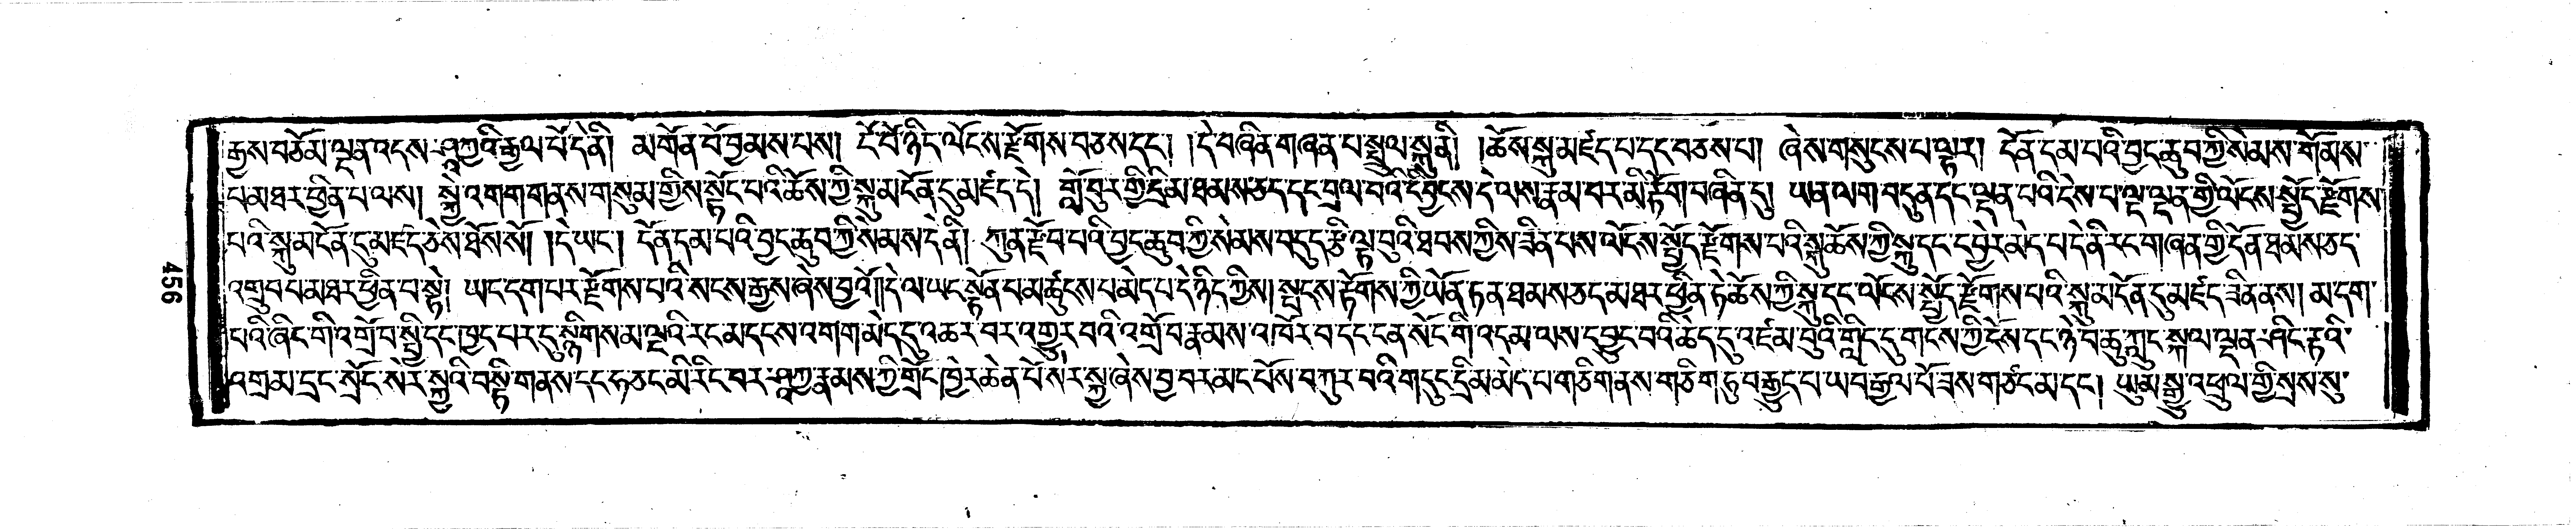རྒྱས་བཅོམ་ལྡན་འདས་ཤཱཀྱའི་རྒྱལ་པ་དེ་ནི། མགོན་བོ་བྱམས་པས། ངོ་བོ་ཉིད་ལོངས་རྫོགས་བཅས་དང་། །དེ་བཞིན་གཞན་པ་སྤྲུལ་སྐུ་ནི། །ཆོས་སྐུ་མཛད་པ་དང་བཅས་པ། ཞེས་གསུངས་པ་ལྟར། དོན་དམ་པའི་བྱང་ཆུབ་ཀྱི་སེམས་གོམས་
པ་མཐར་ཕྱིན་པ་ལས། སྐྱེ་འགག་གནས་གསུམ་གྱིས་སྟོང་པའི་ཆོས་ཀྱི་སྐུ་མངོན་དུ་མཛད་དེ། གློ་བུར་གྱི་དྲི་མ་ཐམས་ཅད་དང་བྲལ་བའི་དབྱིངས་དེ་ལས་རྣམ་པར་མི་རྟོག་བཞིན་དུ། ཡན་ལག་བདུན་དང་ལྡན་པའི་ངེས་པ་ལྔ་ལྡན་གྱི་ལོངས་སྤྱོད་རྫོགས་
པའི་སྐུ་མངོན་དུ་མཛད་ཅེས་ཐོས་སོ། །དེ་ཡང་། དོན་དམ་པའི་བྱང་ཆུབ་ཀྱི་སེམས་དེ་ནི། ཀུན་རྫོབ་བའི་བྱང་ཆུབ་ཀྱི་སེམས་བདུད་རྩི་ལྟ་བུའི་ཐབས་ཀྱིས་ཟིན་པས་ལོངས་སྤྱོད་རྫོགས་པའི་སྐུ་ཆོས་ཀྱི་སྐུ་དང་དབྱེར་མེད་པ་དེ་ནི་རང་གཞན་གྱི་དོན་ཐམས་ཅད་
འགྲུབ་པ་མཐར་ཕྱིན་པ་སྟེ། ཡང་དག་པར་རྫོགས་པའི་སངས་རྒྱས་ཞེས་བྱའོ། །དེ་ལ་ཡང་སྟོན་པ་མཚུངས་པ་མེད་པ་དེ་ཉིད་ཀྱིས། སྤངས་རྟོགས་ཀྱི་ཡོན་ཏན་ཐམས་ཅད་མཐར་ཕྱིན་ཏེ་ཆོས་ཀྱི་སྐུ་དང་ལོངས་སྤྱོད་རྫོགས་པའི་སྐུ་མངོན་དུ་མཛད་ཟིན་ནས། མ་དག་
པའི་ཞིང་གི་འགྲོ་བ་སྤྱི་དང་ཁྱད་པར་དུ་སྙིགས་མ་ལྔའི་རང་མདངས་འགག་མེད་དུ་འཆར་བར་འགྱུར་བའི་འགྲོ་བ་རྣམས་འཁོར་བ་དང་ངན་སོང་གི་འདམ་ལས་དབྱུང་བའི་ཆེད་དུ་འཛམ་བུའི་གླིང་དུ་གངས་ཀྱི་ངོས་དང་ཉེ་བ་ཆུ་ཀླུང་སྐལ་ལྡན་ཤིང་རྟའི་
འགྲམ་དྲང་སྲོང་སེར་སྐྱའི་བསྟི་གནས་དང་ཧ་ཅང་མི་རིང་བར་ཤཱཀྱའི་རྣམས་ཀྱི་གྲོང་ཁྱེར་ཆེན་པོས་སྐྱ་ཞེས་བྱ་བར་མང་པོས་བཀུར་བའི་གདུང་དྲི་མ་མེད་པ་གཅིག་ནས་གཅིག་ཏུ་བརྒྱུད་པ་ཡང་རྒྱལ་པོ་ཟས་གཙང་མ་དང་། ཡུམ་སྒྱུ་འཕྲུལ་གྱི་སྲས་སྲས་སུ་